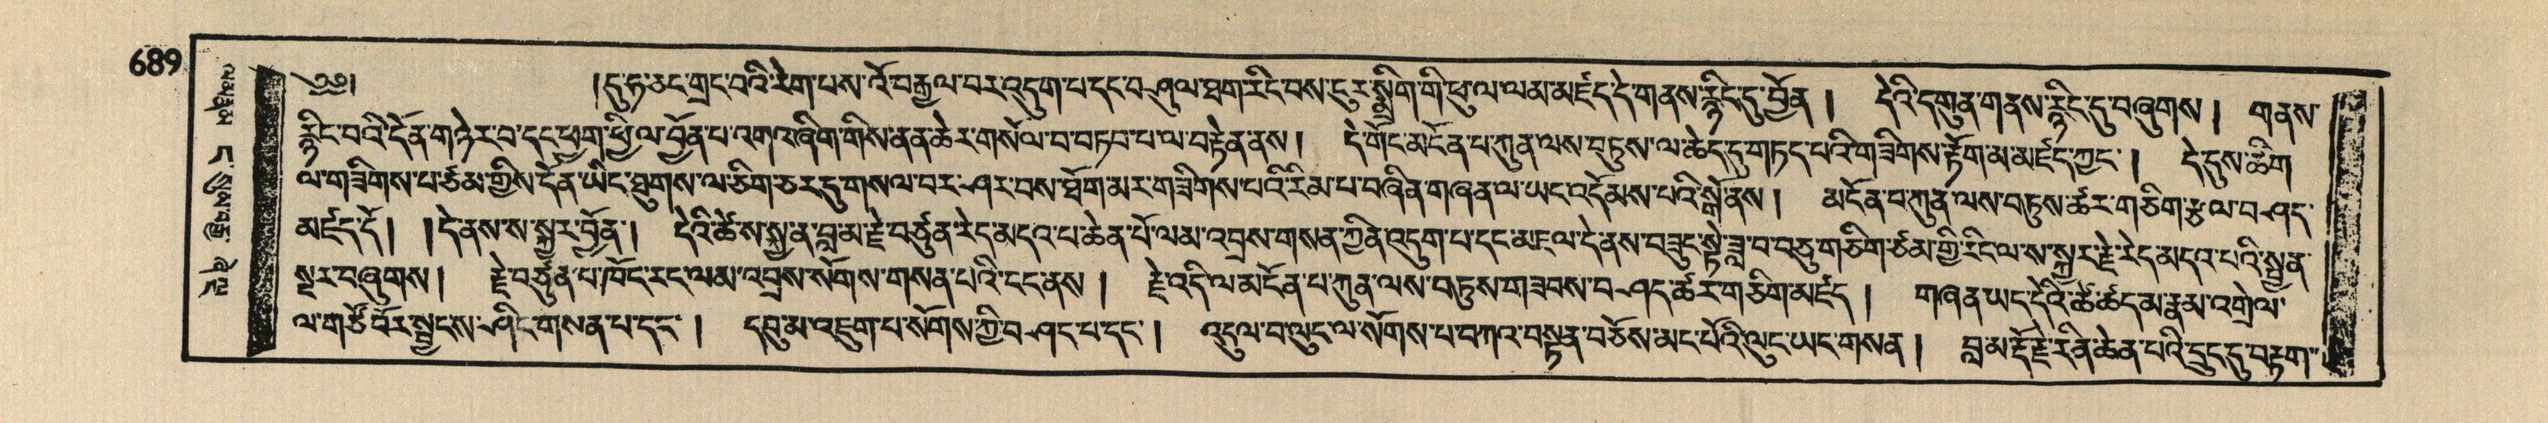༄༅། །དུ་ཧ་ཅང་གྲང་བའི་རེག་པས་འོ་བརྒྱལ་བར་འདུག་པ་དང་བཤུལ་ཐག་རིང་བས་དུར་སྨྲིག་གི་ཕུ་ལ་ལམ་མཛད་དེ་གནས་རྙིང་དུ་བྱོན། དེའི་དགུན་གནས་རྙིང་དུ་བཞུགས། གནས་
རྙིང་བའི་དོན་གཉེར་བ་དང་ཕྱག་ཕྱིལ་བྱོན་པ་འགའ་ཞིག་གིས་ནན་ཆེར་གསོལ་བ་བཏབ་པ་ལ་བརྟེན་ནས། དེ་གོང་མངོན་པ་ཀུན་ལས་བཏུས་ལ་ཆེད་དུ་གཏད་པའི་གཟིགས་རྟོག་མ་མཛད་ཀྱང་། དེ་དུས་ཚིག་
ལ་གཟིགས་པ་ཙམ་གྱིས་དོན་ཡིང་ཐུགས་ལ་ཅིག་ཅར་དུ་གསལ་བར་ཤར་བས་ཐོག་མར་གཟིགས་པའི་རིམ་པ་བཞིན་གཞན་ལ་ཡང་འདོམས་པའི་སྒོ་ནས། མངོན་བ་ཀུན་ལས་བཏུས་ཚར་གཅིག་རྩལ་བཤད་
མཛད་དོ། །དེ་ནས་ས་སྐྱར་བྱོན། དེའི་ཚེ་ས་སྐྱ་ན་བླ་མ་རྗེ་བཙུན་རེད་མདའ་པ་ཆེན་པོ་ལམ་འབྲས་གསན་ཀྱིན་འདུག་པ་དང་མཇལ་དེ་ནས་བཟུང་སྟེ་ཟླ་བ་བཅུ་གཅིག་ཙམ་གྱི་རིང་ལ་ས་སྐྱར་རྗེ་རེད་མདའ་པའི་སྤྱན་
སྔར་བཞུགས། རྗེ་བཙུན་པ་ཁོང་རང་ལམ་འབྲས་སོགས་གསན་པའི་ངང་ནས། རྗེ་འདི་ལ་མངོན་པ་ཀུན་ལས་བཏུས་གཟབས་བཤད་ཚར་གཅིག་མཛད། གཞན་ཡང་དེའི་ཚེ་ཚད་མ་རྣམ་འགྲེལ་
ལ་གཙོ་བོར་སྦྱངས་ཤིང་གསན་པ་དང་། དབུ་མ་འཇུག་པ་སོགས་ཀྱི་བཤད་པ་དང་། འདུལ་བ་ལུང་ལ་སོགས་པ་བཀའ་བསྟན་བཅོས་མང་པོའི་ལུང་ཡང་གསན། བླ་མ་རྡོ་རྗེ་རིན་ཆེན་པའི་དྲུང་དུ་བརྟག་